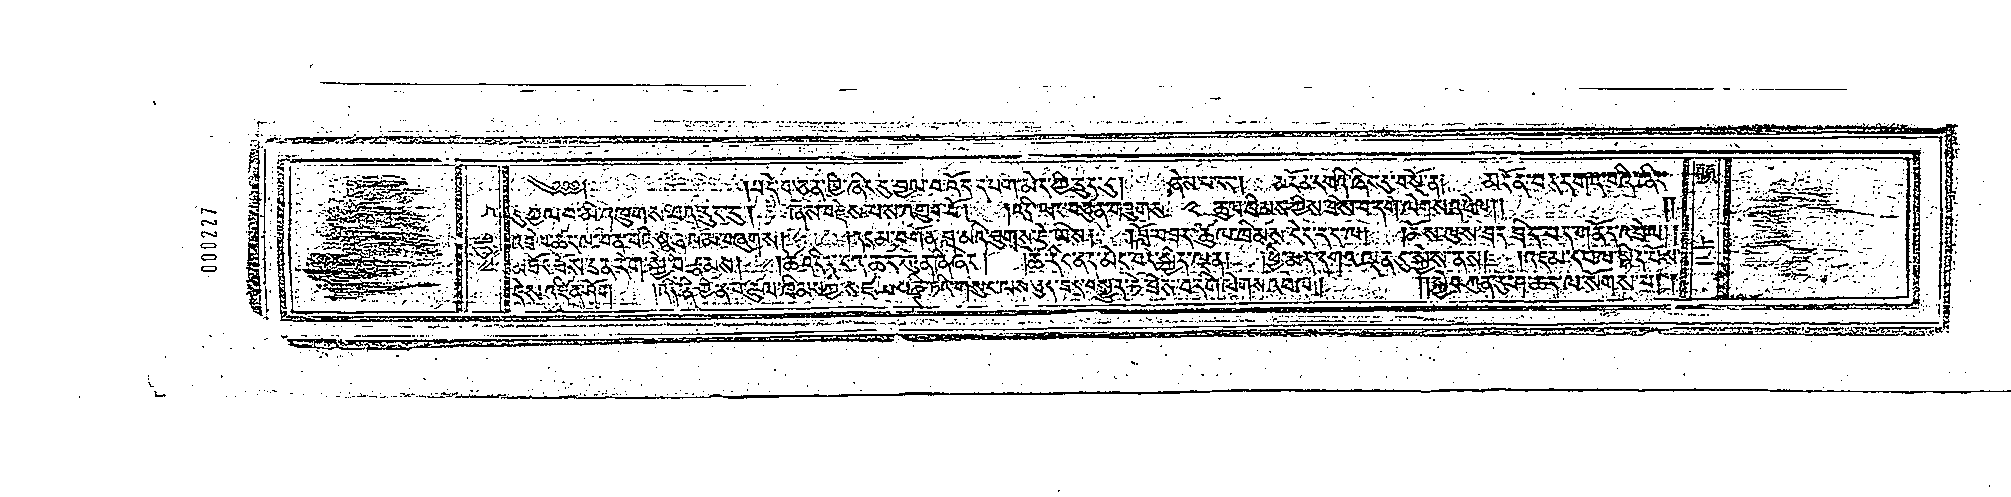༄༅༅། །བདེ་བ་ཅན་ཁྱི་ཞིང་དུ་རྒྱལ་བ་འོད་དཔག་མེད་ཀྱི་དྲུང་དུ། ཞེས་པ་དང་། མངོན་དགའི་ཞིང་དུ་བསྔོ་ན། མངོན་པར་དགའ་བའི་ཞིང་
དུ་རྒྱལ་བ་མི་འཁྲུགས་བའི་དྲུང་དུ། ཞེས་བརྗེས་པས་འགྲུབ་པོ། །འདི་ཡང་བཙུན་གཟུགས ༢་ཚུལ་ཁྲིམས་ཀྱིས་བྲིས་བ་དགེ་ལེགས་འཕེལ།། །།
འབྲེལ་ཚད་ལ་ཕན་པའི་སྨོན་ལམ་བཞུགས། །འཇམ་མགོན་བླ་མའི་ཐུགས་རྗེ་ཡིས། །བློ་བཟང་ཚུལ་ཁྲིམས་དེར་རང་ལ། །ཆོས་ལུས་ཟད་ཟིང་ཕན་གནོད་འབྲེལ།།
མཐོང་ཐོས་དྲན་རེག་སྐྱེ་པ་རྣམས། །ཚེ་འདིར་བར་ཆད་ཀུན་ཞི་ཞིང་། །ཚེ་རིང་ནད་མེད་བདེ་སྐྱིད་ལྡན། །ཕྱི་མར་དགའ་ལྡན་དུ་སྐྱེས་ནས། །འཇམ་དཔལ་སྙིང་པོས་
ཇེས་འཛིན་ཤོག །འདི་ནི་གྱིན་པ་ཚུལ་ཁྲིམས་ཀྱིས་ཛ་ཡ་པཎྚི་ཏའི་གསུང་ལས་ཅུང་ཟད་བསྒྱུར་ཏེ་ཁྲིས་བ་དགེ་ལེགས་འཕེལ།། །།སྐྱེ་བ་ཀུན་དུ་ཤ་ཆད་ལ་སོགས་པ། །